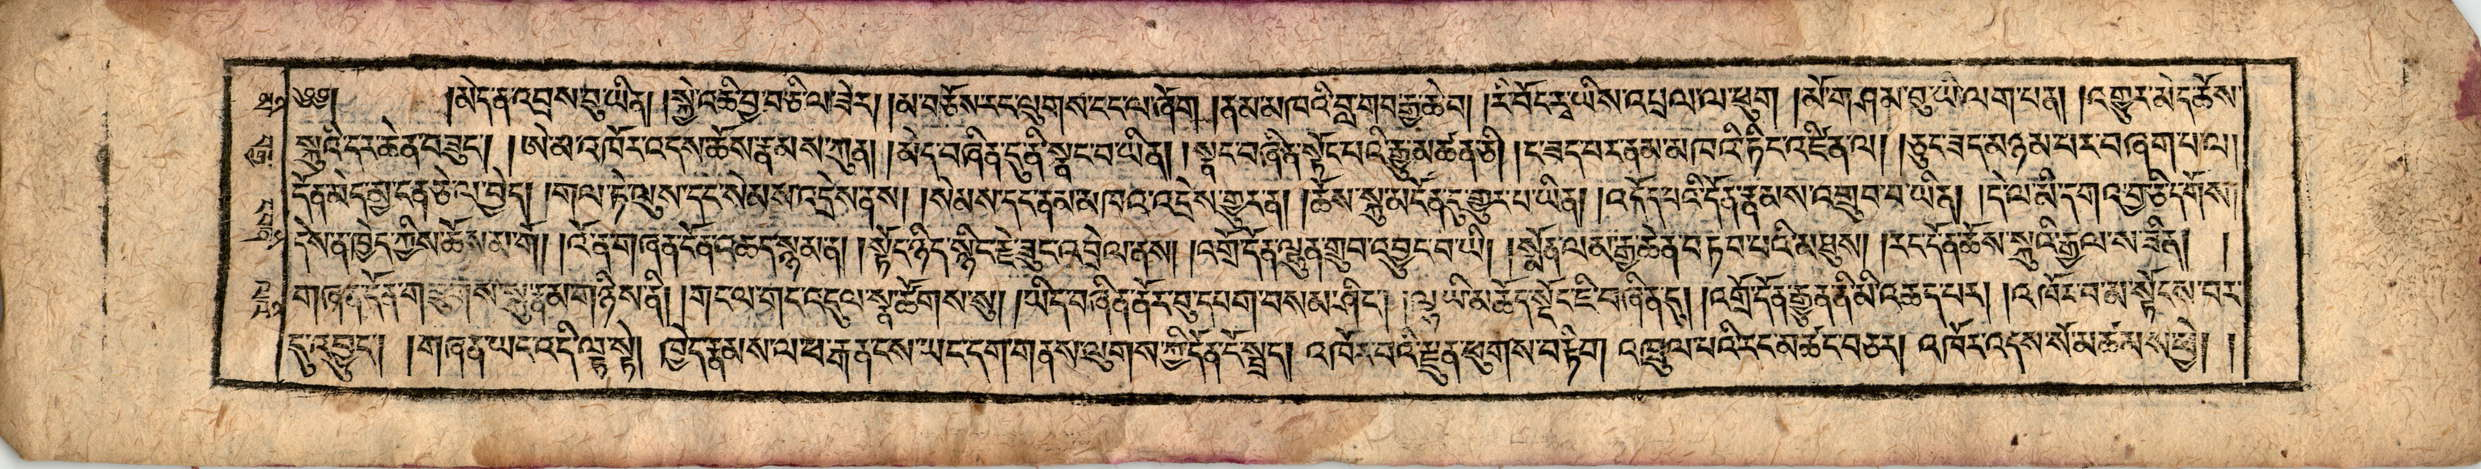མེད་ན་འབྲས་བུ་ཡིན། །སྐྱེ་འཆི་བྱ་བ་ཅི་ལ་ཟེར། །མ་བཅོས་རང་ལུགས་ངང་ལ་ཞོག །ནམ་མཁའི་བླ་གབ་རྒྱ་ཆེ་བ། །རི་བོང་རྭ་ཡིས་འཕྲལ་ལ་ཕུག །མོ་གཤམ་བུ་ཡི་ལག་པ་ན། །འགྱུར་མེད་ཆོས་
སྐུའི་དར་ཆེན་བཟུང་། །ཨེ་མ་འཁོར་འདས་ཆོས་རྣམས་ཀུན། །མེད་བཞིན་དུ་ནི་སྣང་བ་ཡིན། །སྣང་བཞིན་སྟོང་པའི་རྒྱུ་མཚན་ཅི། །ང་ཟད་པར་ནམ་མཁའི་ཏིང་འཛིན་ལ། །ཅུང་ཟད་མཉམ་པར་བཞག་པ་ལ། །
དོན་མེད་མྱ་ངན་ཅི་ལ་བྱེད། །གལ་ཏེ་ལུས་དང་སེམས་འདྲེས་ནས། །སེམས་དང་ནམ་མཁའ་འདྲེས་གྱུར་ན། །ཆོས་སྐུ་མངོན་དུ་གྱུར་པ་ཡིན། །འདོད་པའི་དོན་རྣམས་འགྲུབ་བ་ཡིན། །དེ་ལ་མི་དགའ་བྱ་ཅི་དགོས། །
དེས་ན་ཁྱེད་ཀྱིས་ཆོས་མ་གོ། །འོ་ན་གཞན་ངོར་འཆད་སྙམ་ན། །སྟོང་ཉིད་སྙིང་རྗེ་ཟུང་འབྲེལ་ནས། །འགྲོ་དོན་ལྷུན་གྲུབ་འབྱུང་བ་ཡི། །སྨོན་ལམ་རྒྱ་ཆེན་བཏབ་པའི་མཐུས། །རང་དོན་ཆོས་སྐུའི་རྒྱལ་ས་ཟིན། །
གཞན་དོན་གཟུགས་སྐུ་རྣམ་གཉིས་ནི། །གང་ལ་གང་འདུལ་སྣ་ཚོགས་སུ། །ཡིད་བཞིན་ནོར་བུ་དཔག་བསམ་ཞིང་། ལྷ་ཡི་མཆོད་སྡོང་ཇི་བཞིན་དུ། །འགྲོ་དོན་རྒྱུན་ནི་མི་འཆད་པར། །འཁོར་བ་མ་སྟོངས་བར་
དུ་འབྱུང་། །གཞན་ཡང་འདི་ལྟ་སྟེ། ཁྱེད་རྣམས་ལ་ཕ་རྒན་ངས་ཡང་དག་གནས་ལུགས་ཀྱི་དོན་ངོ་སྤྲད། འཁོར་བའི་རྫུན་ཕུགས་བརྟག འཁྲུལ་པའི་རང་མཚང་བཅར། འཁོར་འདས་སོ་མཚམ་ཕྱེ། །